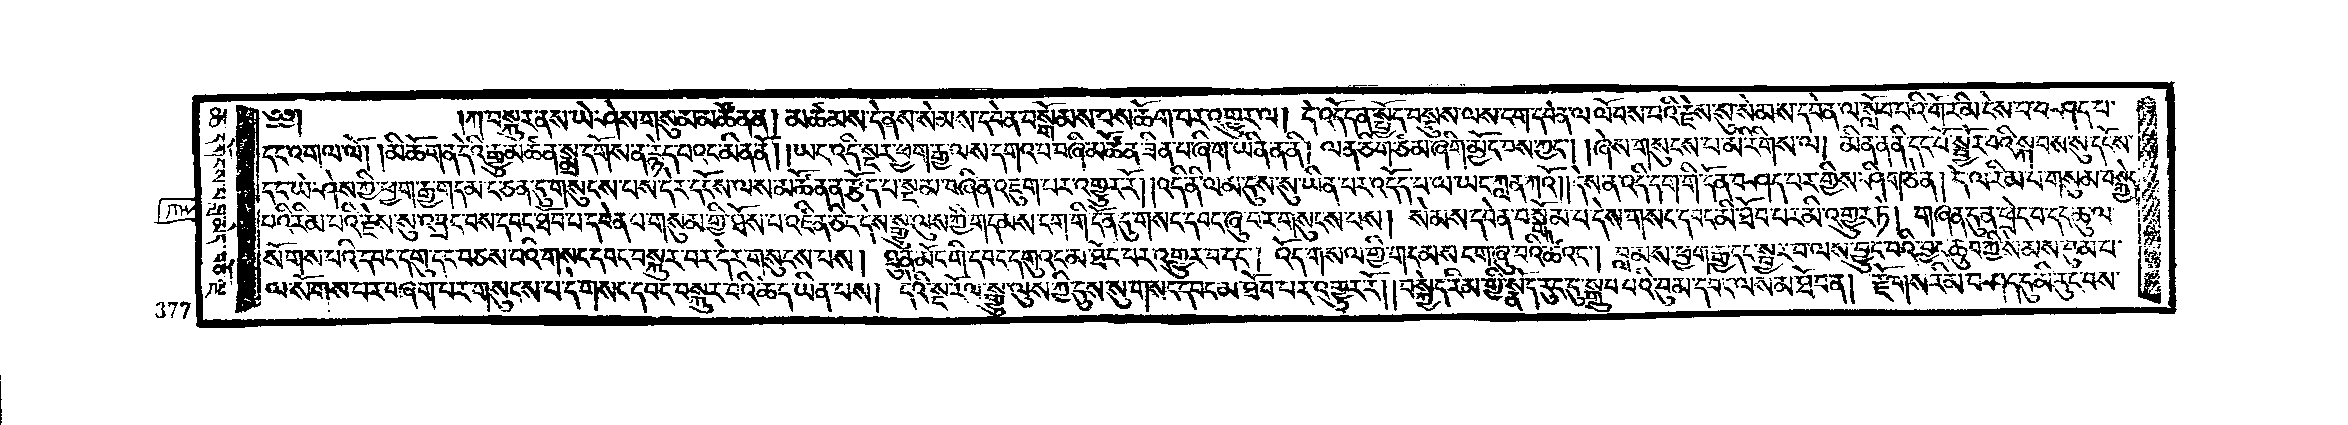༄༅། །ཀ་བསྐུར་ནས་ཡེ་ཤེས་གསུམ་མཚོན་ན། མཚམས་དེ་ནས་སེམས་དབེན་བསྒོམས་པས་ཆོག་པར་འགྱུར་ལ། དེ་འདོད་ན་སྤྱོད་བསྡུས་ལས་ངག་དབེན་ལ་ལོབས་པའི་རྗེས་སུ་སེམས་དབེན་ལ་སློབ་པའི་གོ་རིམ་ངེས་པ་བཤད་པ་
དང་འགལ་ལོ། །མི་ཆོག་ན་དེའི་རྒྱུ་མཚན་སྨྲ་དགོས་ན་རྙེད་པའང་མིན་ནོ། །ཡང་འདི་སྔར་ཕྱག་རྒྱ་ལས་དགའ་བ་བཞི་མཚོན་ཟིན་པ་ཞིག་ཡིན་ན་ནི། ལན་ཅིག་ཙམ་ཞིག་མྱོང་བས་ཀྱང་། །ཞེས་གསུངས་པ་མི་རིགས་ལ། མིན་ན་ནི་དང་པོ་སྦྱོར་བའི་སྐབས་སུ་དངོས་
དང་ཡེ་ཤེས་ཀྱི་ཕྱག་རྒྱ་གདམ་ང་ཅན་དུ་གསུངས་པས་དེར་དངོས་ལས་མཚོན་ན་རྩོད་པ་སྔ་མ་བཞིན་འཇུག་པར་འགྱུར་རོ། །འདི་ནི་ལམ་དུས་སུ་ཡིན་པར་འདོད་པ་ལ་ཡང་ཀླན་ཀའོ། །དེས་ན་འདི་དག་གི་དོན་བཤད་པར་གྱིས་ཤིག་ཅེ་ན། དེ་ལ་རིམ་པ་གསུམ་བསྐྱེད་
པའི་རིམ་པའི་རྗེས་སུ་འབྲང་བས་དབང་ཐོབ་པ་དབེན་པ་གསུམ་གྱི་ཐོས་པ་འཛིན་ཅིང་དེས་སྒྱུ་ལུས་ཀྱི་གདམས་ངག་གི་དོན་དུ་གསང་དབང་ཞུ་བར་གསུངས་པས། སེམས་དབེན་བསྒོམ་པ་དེས་གསང་དབང་མི་ཐོབ་པར་མི་འགྱུར་ཏེ། གཞན་དུ་ན་ཕྲེང་བ་དང་ཆུ་ལ་
སོགས་པའི་དབང་དགུ་དང་བཅས་པའི་གསང་དབང་བསྐུར་བར་དེར་གསུངས་པས། ཐུན་མོང་གི་དབང་དགུའང་མ་ཐོབ་པར་འགྱུར་བ་དང་། འོད་གསལ་གྱི་གདམས་ངག་ཞུ་བའི་ཚེའང་། བླ་མས་ཕྱག་རྒྱ་དང་སྦྱར་བ་ལས་བྱུང་བའི་བྱང་ཆུབ་ཀྱི་སེམས་བུམ་པ་
ལ་སོགས་པར་བཞག་པར་གསུངས་པ་དེ་གསང་དབང་བསྐུར་བའི་ཆད་ཡིན་པས། དེའི་ང་རོལ་སྒྱུ་ལུས་ཀྱི་དུས་སུ་གསང་དབང་མ་ཐོབ་པར་འགྱུར་རོ། །བསྐྱེད་རིམ་གྱི་སྣོད་རུང་དུ་སྒྲུབ་པའི་བུམ་དབང་ལས་མ་ཐོབ་ན། རྫོགས་རིམ་བཤད་དུ་མི་རུང་བས་